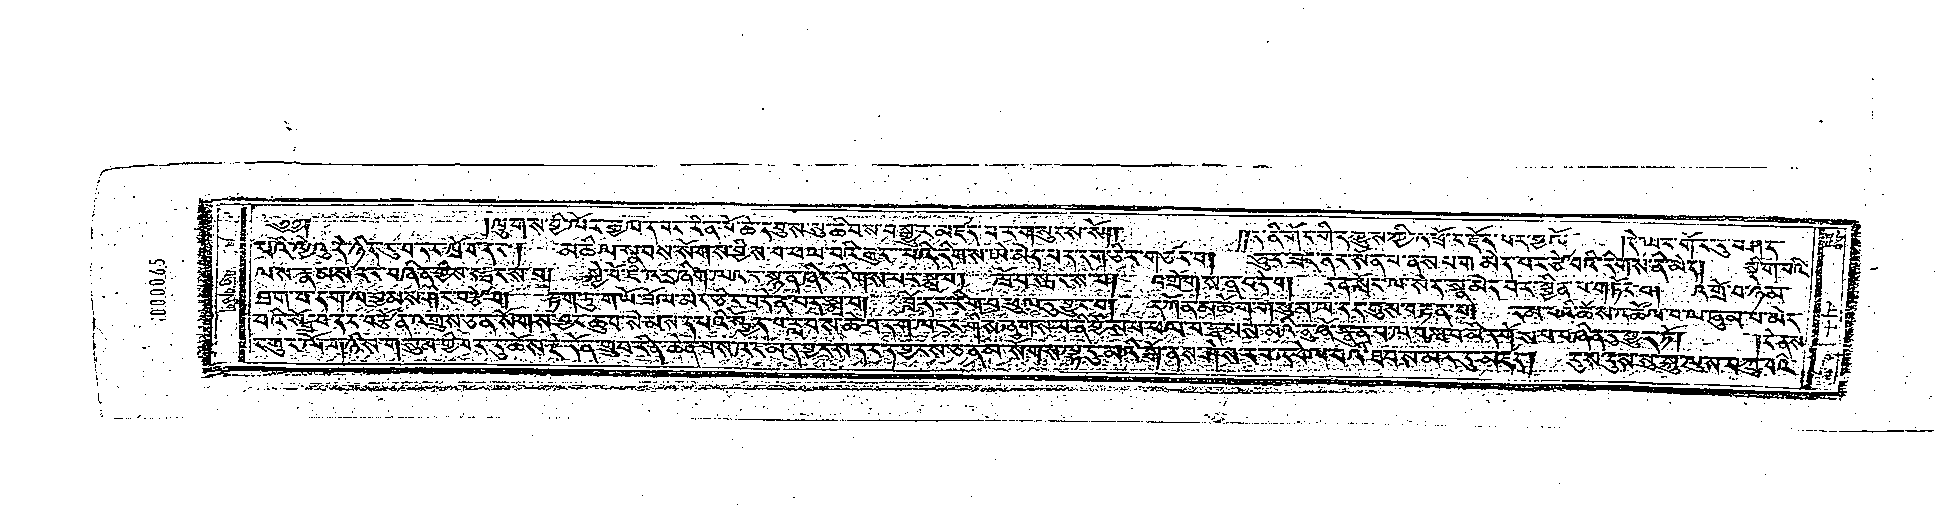༄༅། །ལྕགས་བྱི་ལོར་རྒྱལ་དབང་རིན་པོ་ཆེ་དབུས་སུ་ཆིབས་བསྒྱུར་མཛད་པར་གསུངས་སོ།། །།ད་ནི་གོང་གི་དཀྱུས་ཀྱི་འཕྲོ་བརྗོད་པར་བྱའོ། །དེ་ཡང་གོང་དུ་བཤད་
པའི་ཁྱེའུ་དེ་ཉིད་དུ་བ་དང་ཁྲོ་བ་དང་། མཆིལ་སྣབ་བས་སོགས་བྱིས་པ་ཕལ་བའི་རྒུང་པའི་རིགས་ཡེ་མེད་པར་དག་ཅིང་གཙང་བ། ཅུང་ཟད་ནར་སོན་པ་ནས་པག་མེད་པར་རྩེ་བའི་རིགས་ནི་མེད། སྡིག་པའི་
ལས་རྣམས་རང་བཞི་གྱིས་སྤངས་བ། སྐྱེ་བོ་ཇི་འདྲ་ཞིག་ལའང་སྙན་ཞིང་རིགས་པར་སྨྲ་བ། ཁྲོ་བ་སྤངས་པ། འགྲོགས་ན་བདེ་བ། ངན་སློང་ལ་སེར་སྣ་མེད་བར་སྦྱིན་པ་གཏོང་བ། འགྲོ་བ་ཉེ་མ་
ཐག་པ་དག་ལ་བྱམས་ཤིང་བརྩེ་བ། རྟག་ཏུ་གཡོ་ཟོལ་མེད་ཅིང་བདེན་པར་སྨྲ་བ། བློ་དང་རིག་པ་ཕུལ་དུ་བྱུང་བ། དཀོན་མཆོག་གསུམ་ལ་དད་གུས་བརྟན་པ། དམ་པའི་ཆོས་འཚོལ་བ་ལ་ཞུམ་པ་མེད་
པའི་སྤྲོ་བ་དང་བརྩོན་འགྲུས་ཅན་སོགས་བྱང་ཆུབ་སེམས་དཔའི་སྤྱོད་པ་རླབས་ཆེ་བ་དག་ལ་རང་གིས་ཞུགས་པ་ནི་བྱིས་པ་ཕལ་བ་རྣམས་མའི་ནུ་ཞོ་སྣུན་བ་ལ་བསླབ་མི་དགོས་པ་བཞིན་དུ་གྱུར་ཏོ། །དེ་ནས་
དགུང་ལོ་གཉིས་གསུམ་གྱི་བར་དུ་ཆོས་རྗེ་དོན་གྲུབ་རིན་ཆེན་པས་འཇམ་དབྱངས་དང་དབྱངས་ཅན་མ་སོགས་ལྟ་དུ་མའི་སྒོ་ནས་ཤེས་རབ་འཕེལ་བའི་ཐབས་མར་དུ་མཛད། དུས་དུས་སུ་སྐུ་ལུས་བཀྲུ་བའི་